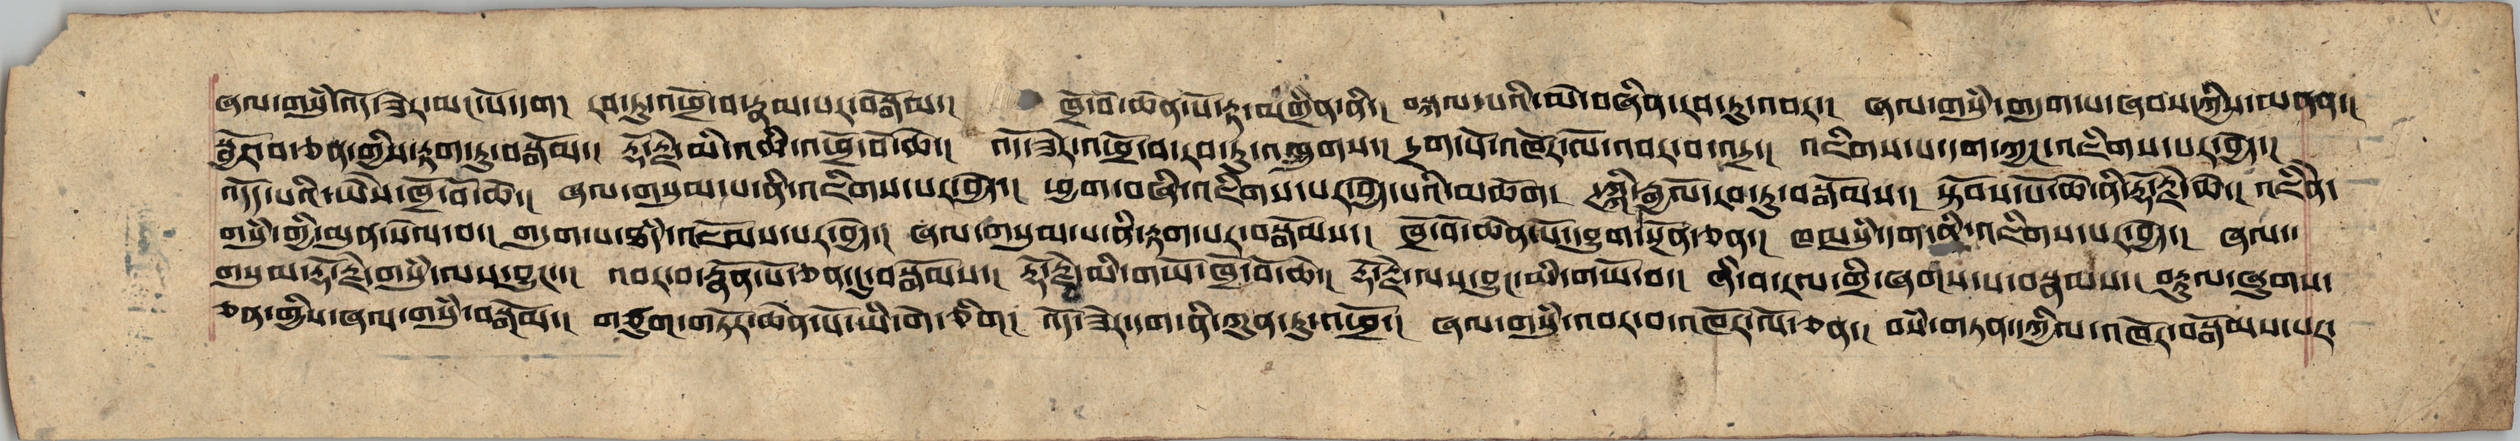ཞལ་གསུཾ་འོད་ཟེར་མང་པོ་དག། རབ་ཏུ་འཕྲོ་བ་རྣམ་པར་བསྒོམ་། ཁྲོ་བོ་ཆེན་པོ་རྟ་མགྲིན་ནི་། བསྐལ་པའི་མེ་བཞིན་རབ་ཏུ་འབར་། ཞལ་གསུཾ་གདུག་པ་ཞབས་ཀྱིས་མནན་།
སྦྱོར་བ་ཅན་གྱིས་རྟག་ཏུ་བསྒོམ་། རྡོ་རྗེ་མི་འཆི་འཕྲོ་བོ་ཆེ་། འདོ་ཟེར་འཕྲོ་བ་རབ་ཏུ་འཁྲུགས་། དྲག་པོ་འཁོར་ལོ་འབར་བ་འདྲ་། འཇིགས་པ་དག་ཀྱང་འཇིགས་པར་བྱེད་།
འདོད་པའི་ཡཻས་ཁྲོ་བོ་ཆེ་། ཞལ་གསུམ་པ་ནི་འཇིགས་པར་བྱེད་། ཕྱག་བཞི་འཇིགས་པར་བྱེད་པའི་མཆོག། ཊཀྐི་རྒྱལོ་རབ་ཏུ་བསྒོམས་། སྟོབས་པོ་ཆེ་ནི་རྡོ་རྗེ་ཆེ་། འཇིནེ་
གསུཾ་གྱི་མུན་སེལ་བ་། གདུག་པ་ཐཾད་འཇོམས་པར་བྱེད་། ཞལ་གསུམ་པ་ནི་རྟག་པར་བསྒོམས་། ཁྲོ་བོ་ཆེན་པོ་དབྱུག་སྔོན་ཅན་། ཁམསུཾ་དག་ནི་འཇིགས་པར་བྱེད་། ཞལ་
གསུམ་རྡོ་རྗེ་གསུཾ་ལས་བྱུང་་། འབར་བ་རྣོན་པོ་ཅན་དུ་བསྒོམས་། རྡོ་རྗེ་མི་གཡོ་ཁྲོ་བོ་ཆེ་། རྡོ་རྗེ་ལས་བྱུང་མི་གཡོ་བ་། ཞི་བ་རལ་གྲི་ཞགས་པ་བསྣམས་། བརྟུལ་ཞུགས་
ཅན་གྱིས་ཞལ་གསུཾ་བསྒོམ་། གཙུག་གཏོར་ཆེན་པོ་ཡི་གེ་ཅིག། འོད་ཟེར་དག་ནི་ཀུན་ཏུ་འཕྲོ་། ཞལ་གསུཾ་འབར་བ་འཁོར་ལོ་ཅན་། བསཾ་གཏན་དཀྱིལ་འཁོར་བསྒོམས་པར་